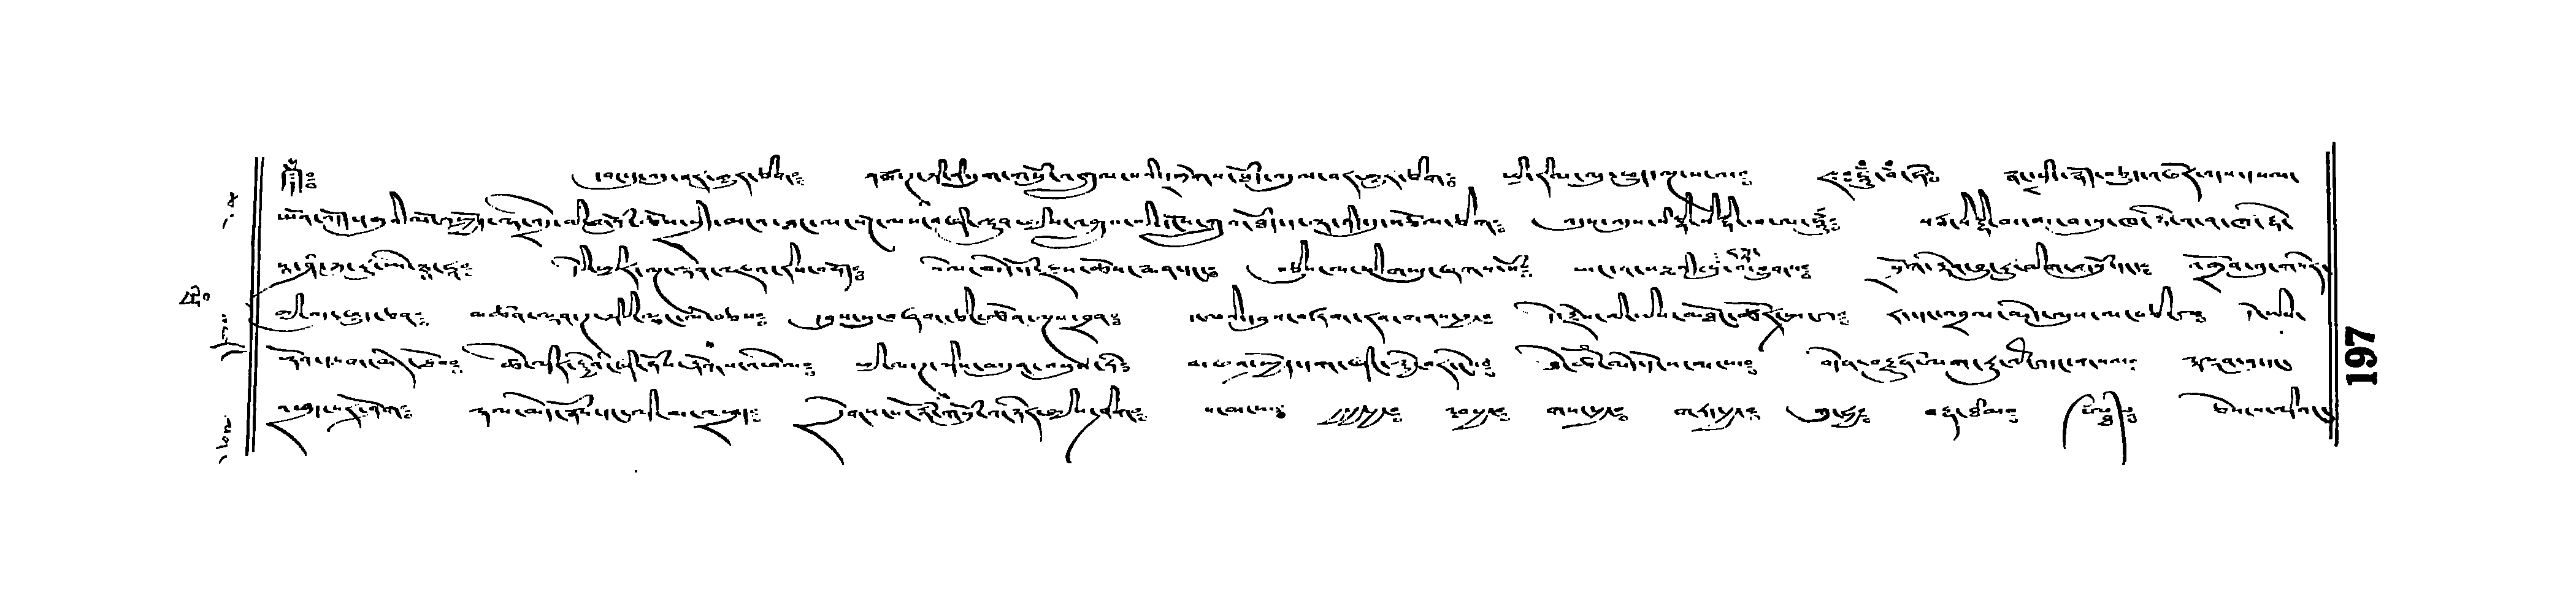དབང་དུ་འདུ་བར་གྱུར་ཅིག༔ ཀརྨ་ཌཱ་ཀི་ནི་དུག་གསུམ་འཁྲུལ་པའི་དགྲ་བགེགས་ཐམས་ཅད་འདུལ་བར་གྱུར་ཅིག༔ ཕྱི་རིམ་མུ་ཁྱུད་ལྔ་པ་ལ༔ ཛཿཧཱུྃ་བྃ་ཧོཿ སྣང་སྲིད་སྣོད་བཅུད་འཁོར་འདས་དཔལ་
ཡོན་འདོད་དགུའི་ལོངས་སྤྱོད་ལྷ་འདྲེ་མི་གསུམ་ཆོས་སྲིད་མངའ་ཐང་ལ་སོགས་ལས་བཞི་ལྷུན་གྱིས་འགྲུབ་པའི་དངོས་གྲུབ་ཐམས་ཅད་ད་ལྟ་ཉིད་དུ་སྩོལ་ཅིག༔ འདུས་འདུས་སིདྡྷི་སིདྡྷི་ཕ་ལ་ཧཱུྃ༔ སརྦ་སིདྡྷི་མ་དམ་བ་སུ་ཁ་དྷེ་ན་ན་ཁ་དྷེ་
ཝཱ་ཤཾ་ཀུ་རུ་ཡེ་སྭཱ་ཧཱ༔ དེའི་ཕྱིར་ལྔ་ལྡན་འཇའ་རིས་བཀོད༔ སེལ་མེད་དམ་རྫས་ཆོས་སྨན་དང༔ བཅུ་གཉིས་མ་ནི་གཡུ་ཞགས་སམ༔ ཡང་ན་པདྨའི་ཁུ་བ་བྱུགས་༔ སྲོག་རྟེན་བྱུ་རུ་མིག་གསུམ་དང༔ འགྲོན་བུ་གསེར་
གྱི་མུ་ཁྱུད་ཅན༔ མཚན་ལྡན་ཌཱ་ཀིའི་ལྕང་ལོ་བཅས༔ དབུས་སུ་བཞག་ཅིང་ཚོན་ལྔས་བྲན༔ ད་ལིས་དབུས་བཞག་རབ་གནས་བྱ༔ དེ་རྗེས་མི་ཡིས་མཐོང་ཚོར་སྤོངས༔ རང་དང་འབྲལ་མེད་ལུས་ལ་བཅིངས༔ དེ་ཡིས་
ཡོན་ཏན་དཔག་མེད་འཐོབ༔ ཚེ་འདིར་རྐྱེན་ཞི་ཉམས་རྟོགས་འཕེལ༔ ཕྱི་ལ་ཌཱ་ཀིས་མདུན་བསུས་ཏེ༔ མཁའ་སྤྱོད་དག་ཞིང་སྐྱེ་བར་ངེས༔ཐེ་ཚོམ་མེད་དོ་ས་མ་ཡ༔ བདེན་རྫུན་ལག་ཏུ་ལོངས་དང་གསལ༔ སྐལ་ལྡན་བུ་དང་
འཕྲད་པར་ཤོག༔ སྐལ་མེད་རྣམས་དང་འདི་མ་འཕྲད༔ དྲེགས་པ་རྣམ་གསུམ་གཉེར་གྱིས་ཤིག༔ ས་མ་ཡ༔ རྒྱ་རྒྱ་རྒྱ༔ ཟབ་རྒྱ༔ གསང་རྒྱ༔ གཏད་རྒྱ༔ གུ་ཧྱ༔ བརྡ་ཐིམ༔ ༔ ཅེས་པ་འདིའང་